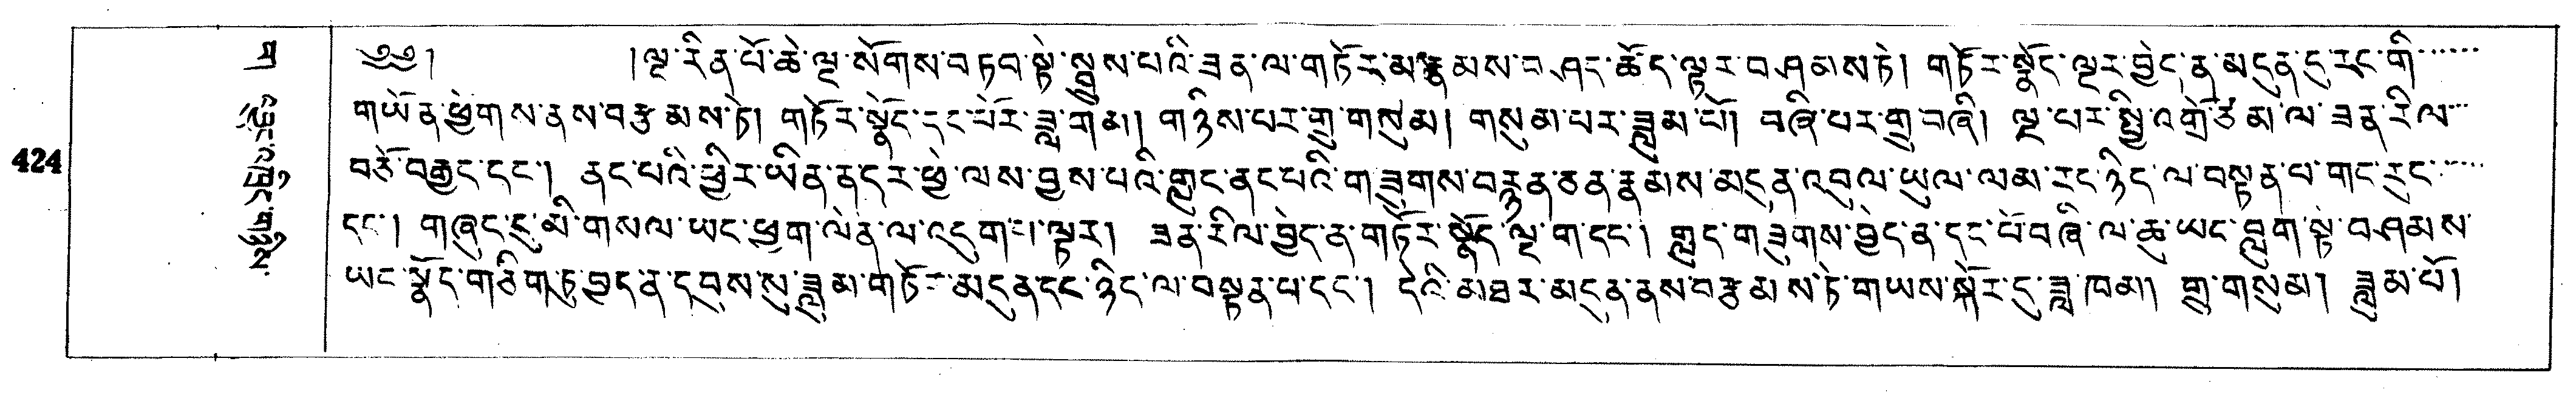༄༅། །ལྔ་རིན་པོ་ཆེ་ལྔ་སོགས་བཏབ་སྟེ་སྦྲུས་པའི་ཟན་ལ་གཏོར་མ་རྣམས་བཤད་ཚོད་ལྟར་བཤམས་ཏེ། གཏོར་སྣོད་ལྔར་བྱེད་ན་མདུན་དུ་རང་གི་
གཡོན་ཕྱོགས་ནས་བརྩམས་ཏེ། གཏོར་སྣོད་དང་པོར་ཟླ་གམ། གཉིས་པར་གྲུ་གསུ། གསུམ་པར་ཟླུམ་པོ། བཞི་པར་གྲུ་བཞི། ལྔ་པར་སྤྱི་འགྲོ་ཙམ་ལ་ཟན་རིལ་
བཅོ་བརྒྱད་དང་། ནང་པའི་ཕྱིར་ཡིན་ན་དར་ཕྱེ་ལས་བྱས་པའི་གླུང་ནང་པའི་གཟུགས་བརྙན་ཅན་རྣམས་མདུན་འབུལ་ཡུལ་ལམ་རང་ཉིད་ལ་བསྟན་པ་གང་རུང་
དང་། གཞུང་དུ་མི་གསལ་ཡང་ཕྱག་ལེན་ལ་འདུག་པ་ལྟར། ཟན་རིལ་བྱེད་ན་གཏོར་སྣོད་ལྔ་ག་དང་། གླུད་གཟུགས་བྱེད་ན་དང་པོ་བཞི་ལ་ཆུ་ཡང་བླུག་སྟེ་བཤམས་
ཡང་སྣོད་གཅིག་ཏུ་བྱད་ན་དབུས་སུ་ཟླུམ་གཏོང་མདུན་དང་ཉིད་ལ་བསྟན་པ་དང་། དེའི་མཐར་མདུན་ནས་བརྩམས་ཏེ་གཡས་སྐོར་དུ་ཟླ་ཁམ། གྲུ་གསུམ། ཟླུམ་པོ།